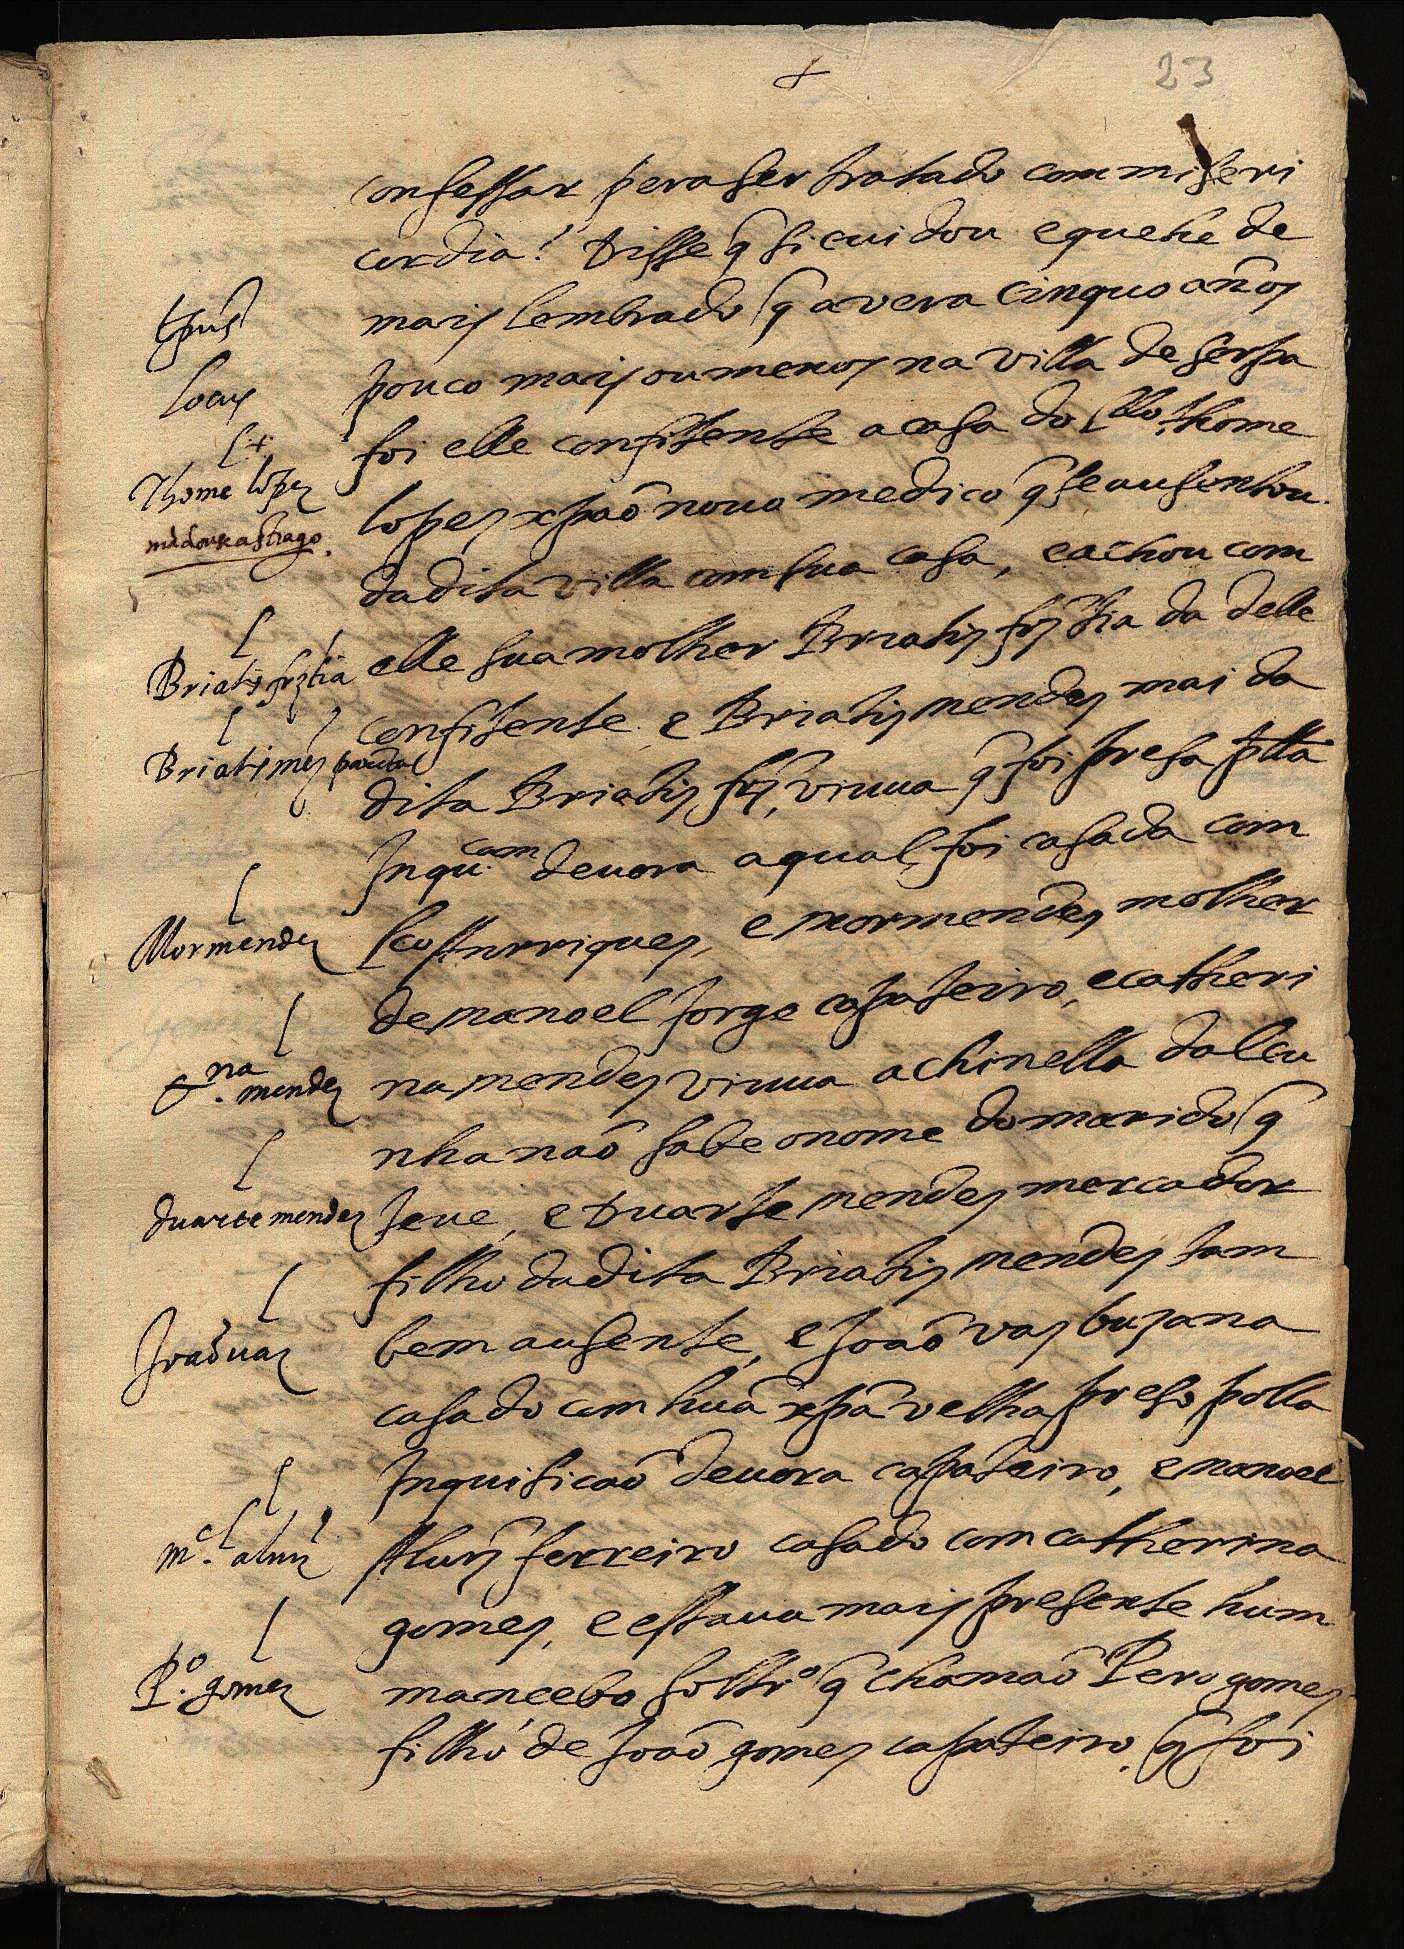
confessar pera ser tratado com miseri
cordia? Disse q̄ si cuidou e que he de
mais lembrado q̄ avera cinquo an̄os
pouco mais ou menos na villa de serpa
foi elle confitente a casa do Ldo thome
lopez xpaõ nouo medico q̄ se ausentou
da dita villa com sua casa, e achou com
elle sua molher Briatiz frz̄ tia da delle
confitente e Briatiz mendez mai da
dita Briatiz frz, viuua q̄ foi presa p̄lla
Jnqu.cam deuora a qual foi casada com
Lco Anrriquez, e mor mendez molher
de manoel Jorge capateiro, e catheri
na mendez viuua a chinella dalcu
nha naõ sabe o nome do marido q̄
teue, e Duarte mendez mercador
filho da dita Briatiz mendez tam
bem ausente, e Joaõ vaz buzana
casado com huā xpā velha preso polla
Jnquisicaõ deuora capateiro, e manoel
Alurz̄ ferreiro casado com catherina
gomez, e estaua mais presente hum
mançebo soltro q̄ chamaõ Pero gomez
filho de Joaõ gomez capateiro, q̄ foi
tpus̄
locus
Thome lopez
mādouse a s̄tiago
Briatis frz tia
Briatis mēz parēta
Mor mendez
C.na mendez
duarte mendez
Joaõ uaz
m.el alurz̄
P.o gomez
